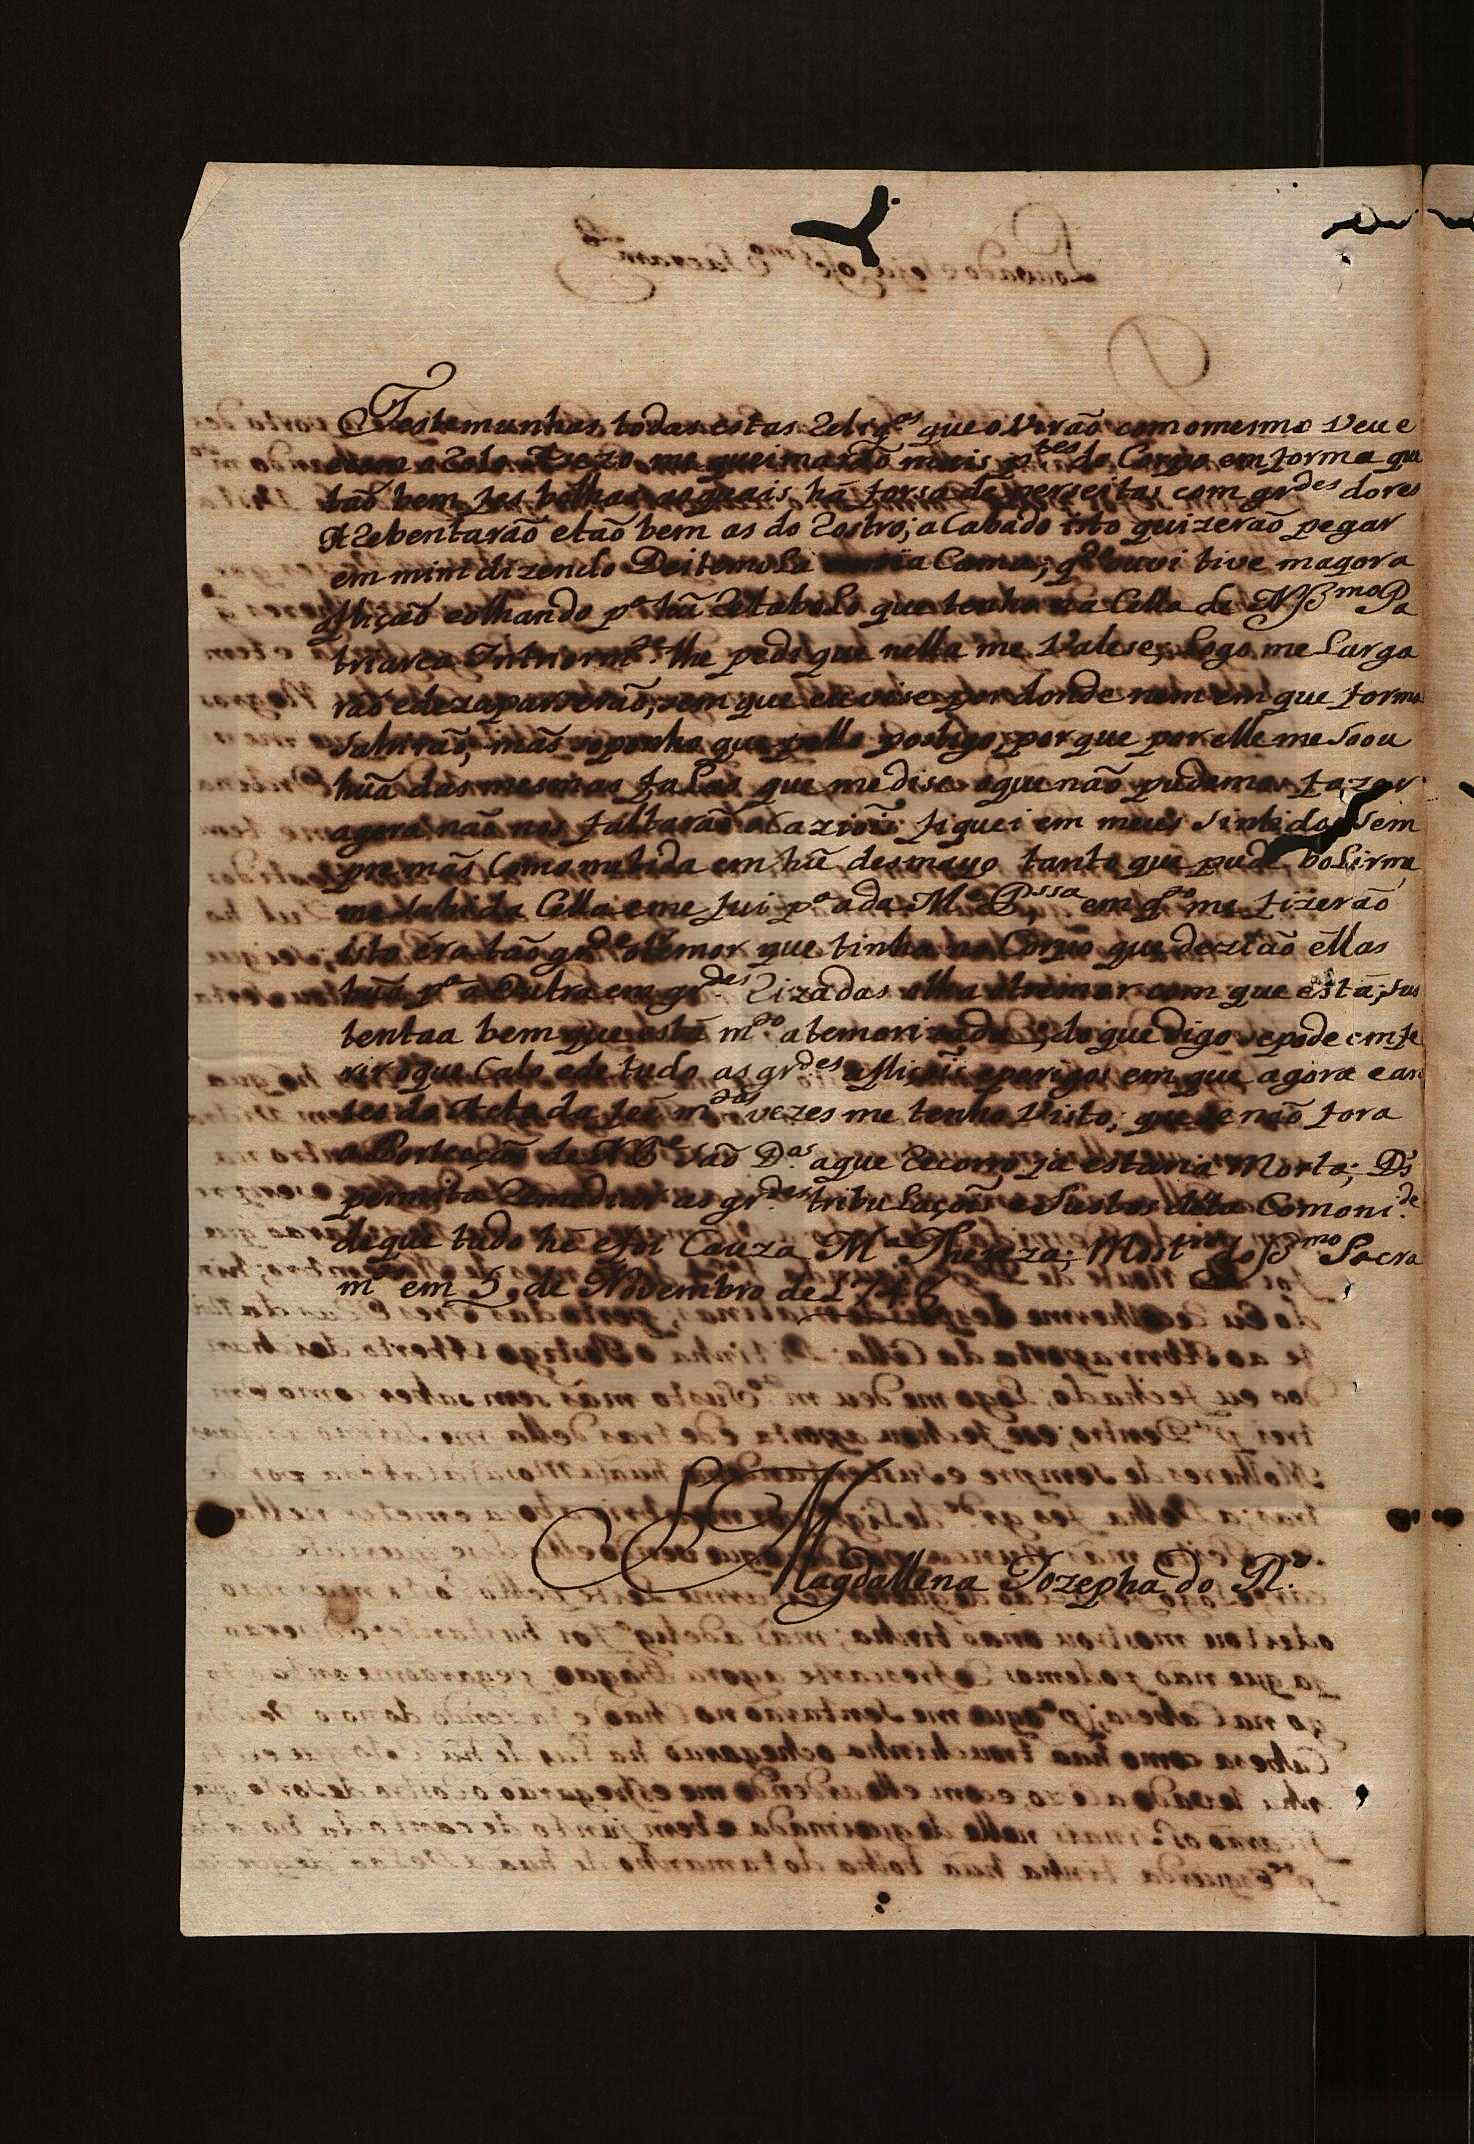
Testemunhas todas estas Religas que o Viraõ com o mesmo veu e
com o Rolo Prezo me queimaraõ mais p.tes do Corpo em forma que
taõbem fes bolhas ao quais há forsa de perseitas com grdes dores
ARebentarão e taõbem as do Rostro; aCabado isto quizeraõ pegar
em mim dizendo DeitamoLa _ na Cama; qdo ouvi tive magora
afliçaõ e olhando p.a hū RetaboLo que tenho na Cella de N SSmo Pa
triarca Intriorm.te lhe pedi que nella me Valese; Logo me Larga
raõ e dezaparseraõ, sem que eu vise por donde nem em que forma
sahiraõ, mãs sopunha que pello postigo, porque por elle me soou
hūa das mesmas faLas que me dise o que naõ pudemos fazer
agora naõ nos faltaraõ ocaziõis fiquei em meus sintido_ sem
pre mãs como metida em hū desmayo tanto que pude boLirme
me sahi da Cella e me fui pa a da M.e P,ssa emqto me fizeraõ
isto éra taõ grde o temor que tinha no Corpo que deziaõ ellas
hūa pa a Outra em gr.des Rizadas olha o tremor com que está; sus
tentaa bem que está m.to atemorizada, do que digo se pode emfe
rir o que Calo e de tudo as gr.des afliçois e perigos em que agora e an
tes do Acto da feé m.tas vezes me tenho visto; que se naõ fora
a Porteçaõ de N Pe São D.as a que Recorro ja estaria Morta; Ds̄
permita Remediar as gr.des tribuLaçõis e Sustos desta Comonide
de que tudo hé e foi Cauza Ma Thereza; Mostro do Ssmo Sacra
mto em 5 de Novembro de 1748
S Magdallena Iozepha do R.
